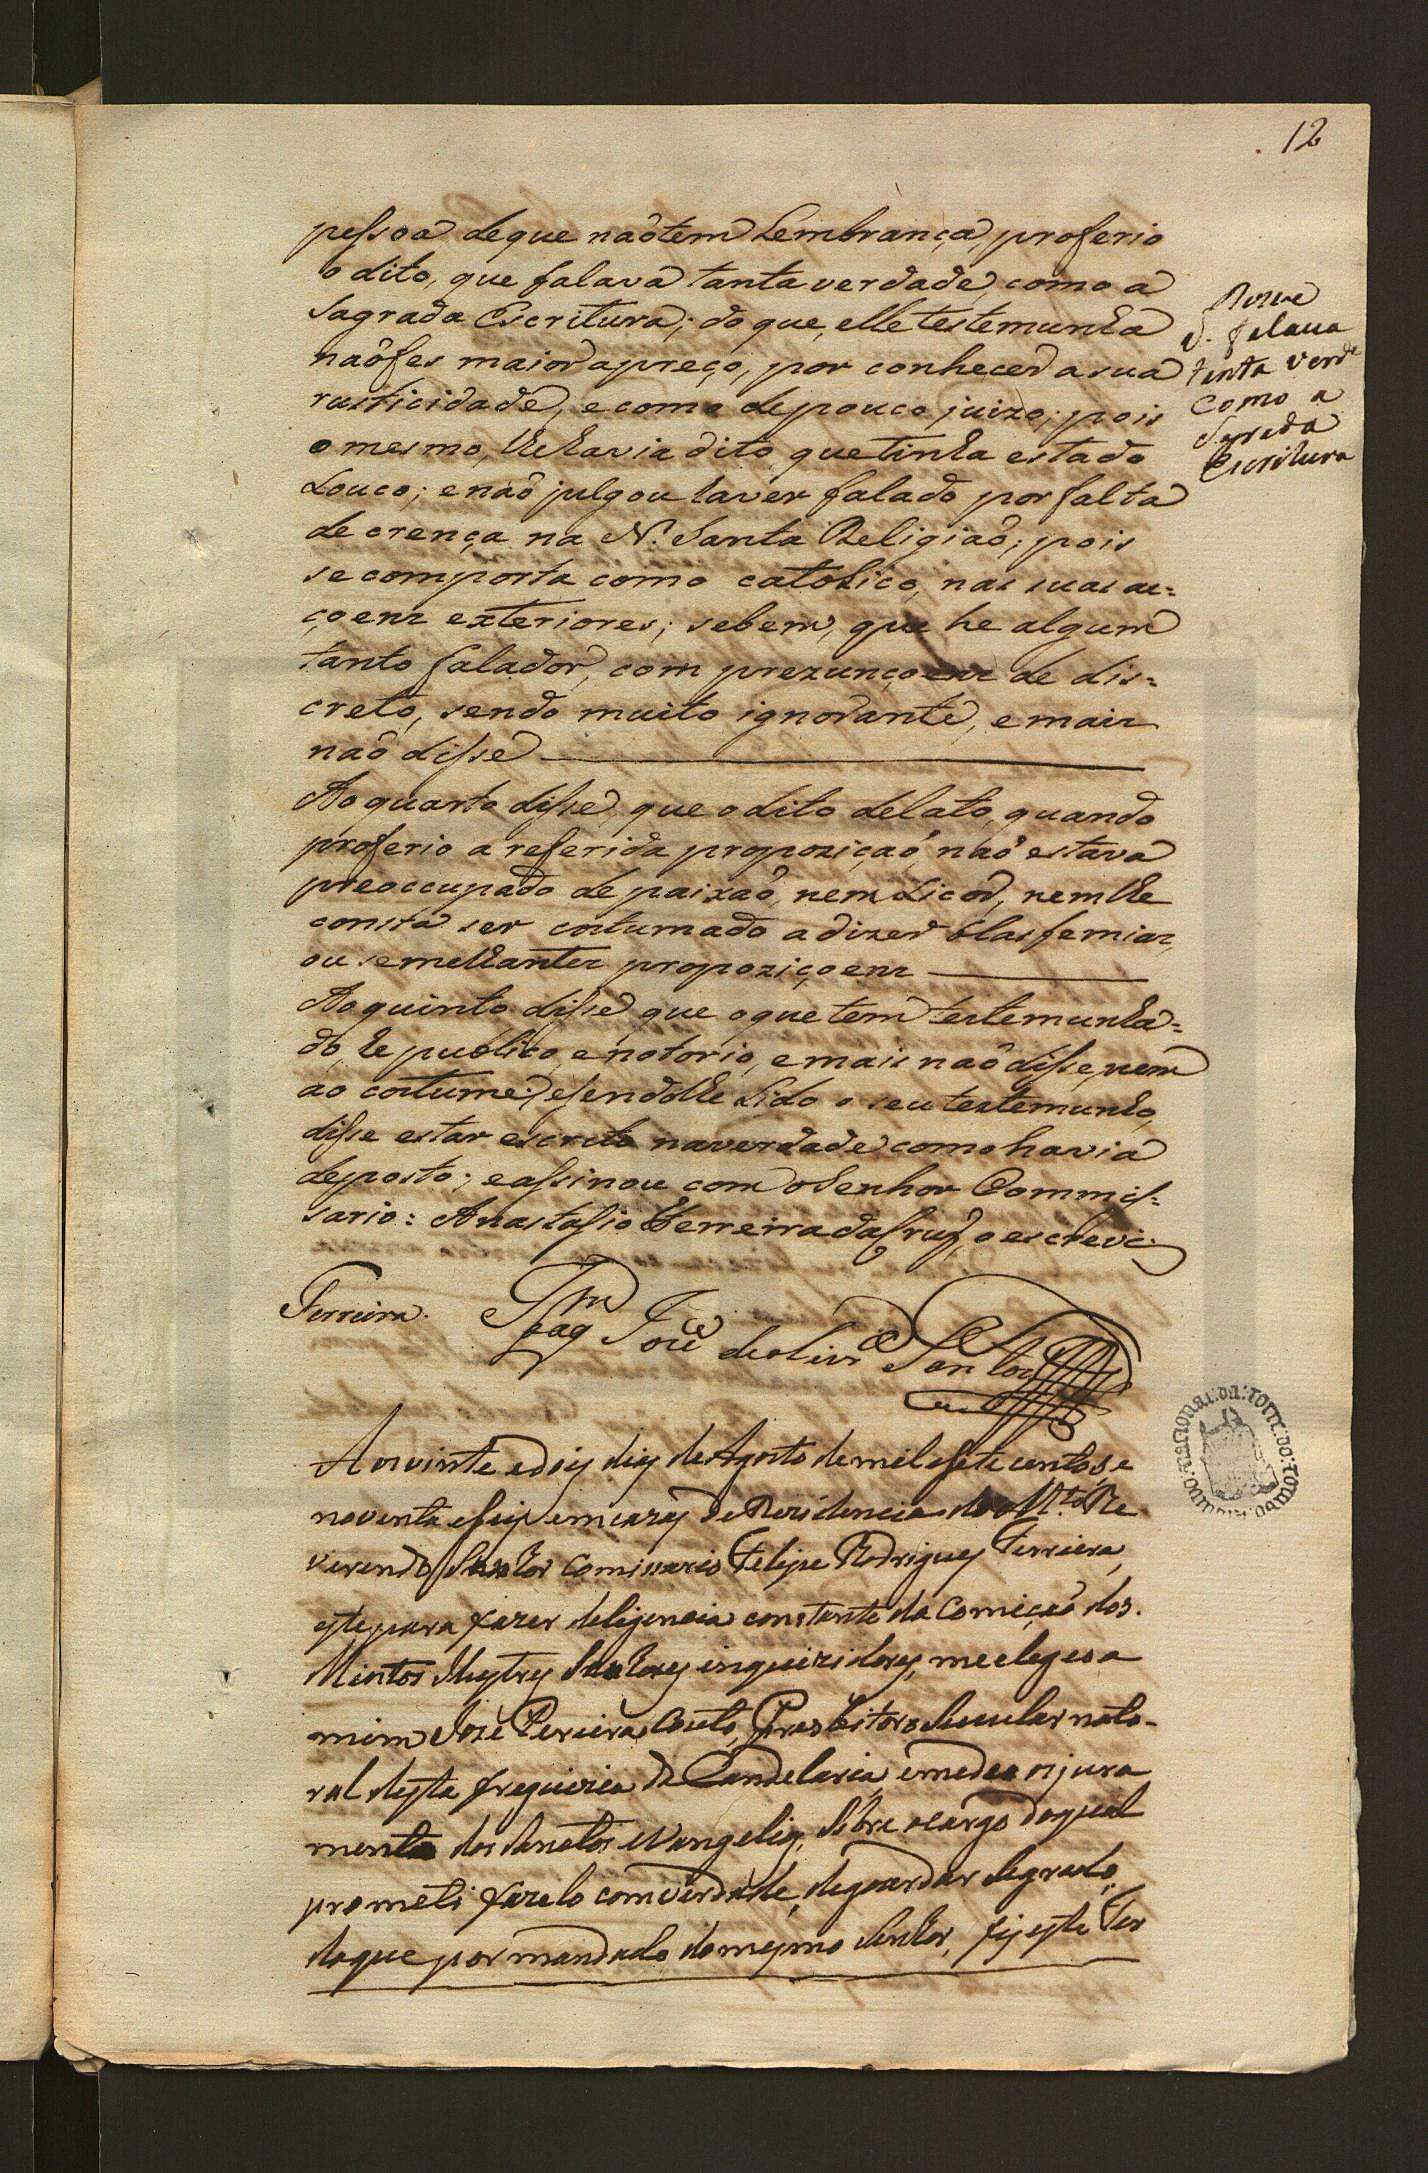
12
pessoa de que naõ tem Lembrança, proferio
o dito, que falava tanta verdade, como a
Desse
q̄ falaua
tanta verd.e
como a
Sagrada
Escritura
sagrada Escritura; do que elle testemunha
naõ fes maior apreço, por conhecer a sua
rusticidade, e como de pouco juizo; pois
o mesmo, lhe havia dito que tinha estado
Louco; e naõ julgou haver falado por falta
de crença na N. Santa Religiaõ; pois
se comporta como catolico, nas suas ac
çoenz exteriores; se bem, que he algum
tanto falador, com prezunçoenz de dis
creto, sendo muito ignorante, e maiz
naõ disse
Ao quarto disse, que o dito delato, quando
proferio a referida propoziçaõ naõ estava
preoccupado de paixaõ, nem Licor, nem lhe
consta ser costumado a dizer blasfemiaz,
ou semelhantes propoziçoenz
Ao quinto disse que o que tem testemunha
do he publico, e notorio, e mais naõ disse, nem
ao coztume; sendolhe Lido o seu testemunho,
disse estar escrito na verdade como havia
deposto; e assinou com o Senhor Commis
sario: Anastasio Ferreira da Cruz, o escrevi
Ferreira.
Ioaq.m Iozé de oLiv.a Santos
Aos vinte e dois dias de Agosto de mil e setecentos e
noventa e seis em cazas de Rezidencia de M.to Re
verendo Senhor Comissario Felipe Rodrigues Ferreira,
este para fazer deligencia constante da Comiçaõ dos
Mintos Ilustres Senhores inquizidores, me elegeo a
mim Ioze Pereira Couto, Presbitoro Secular noto
ral desta freguezia de Candelaria, e me deo os jura
mento dos Sanctos eVangelios, sobre o cargo do qual
prometi fazelo com verdade, de goardar segredo,
do que por mandado do mesmo Senhor, fis este Ter
